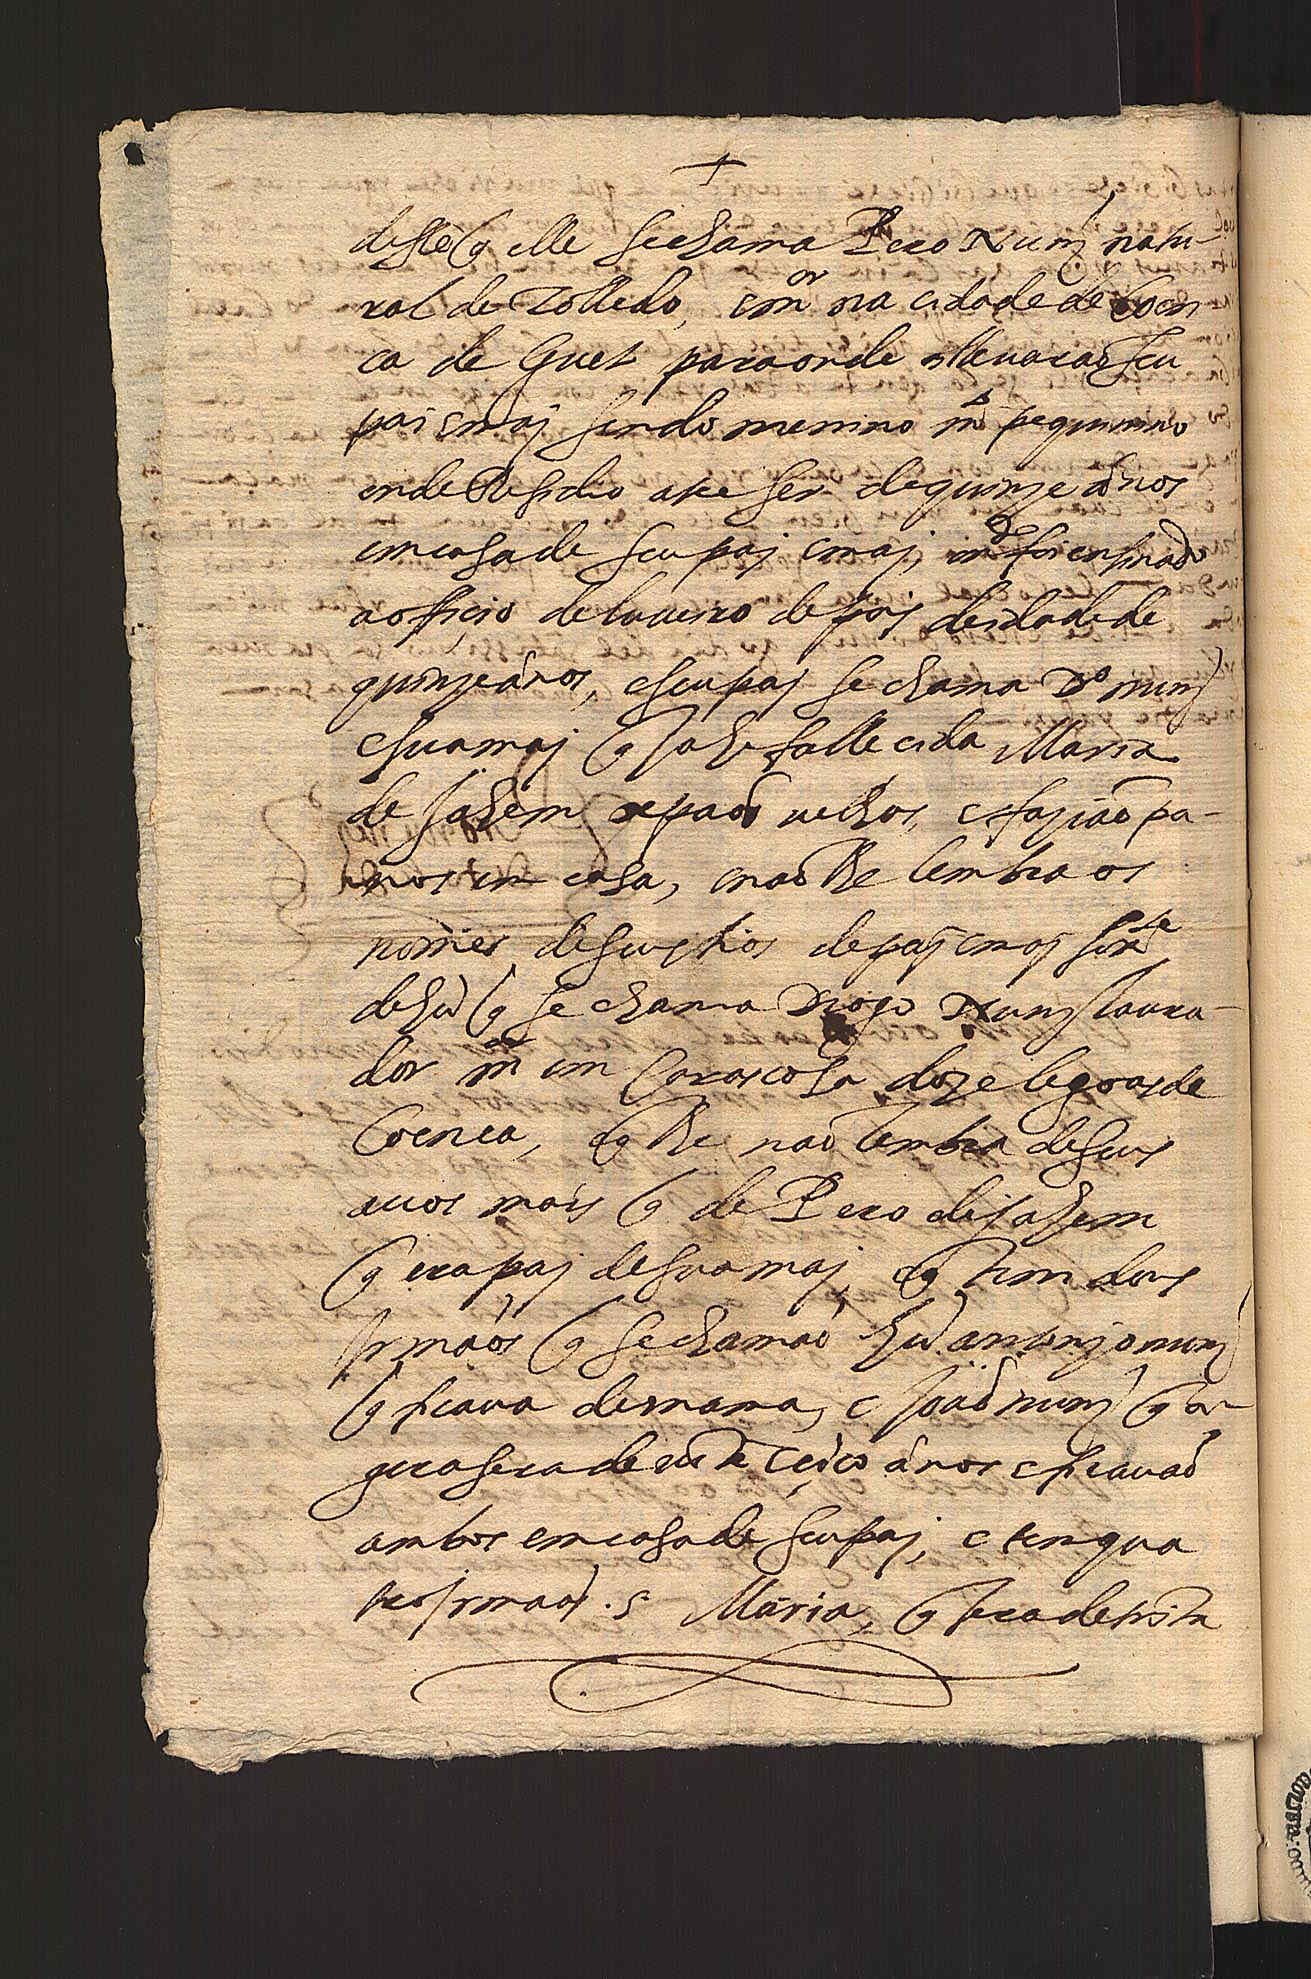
disse q̄ elle se chama Pero Nunz̄ natu
ral de Tolledo, e mor na cidade de Coen
ca de Guel para onde o lleuaraõ seu
pai E maj sendo menino mto pequenino
onde Residio atee ser de quinze anos
em casa de seu paj e maj, onde foi ensinado
a officio de luueiro depois de idade de
quinze ānos, e seu paj se chama Do nunz̄
e sua maj q̄ Ja he fallecida Maria
de Jahem xpaõs uelhos, e faziaõ pa
nos em casa, e naõ lhe lembra os
nomes de seus tios de paj e maj somte
de hū q̄ se chama Diogo Nunz̄ laura
dor mor em Carascosa doze legoas de
Coenca, e q̄ lhe naõ lembra de seus
auos mais q̄ de Pero de Jahem
q̄ era paj de sua maj, e q̄ tem dous
Jrmaõs q̄ se chamaõ hū antonjo nunz̄
q̄ ficaua de mama, e Joaõ nunz̄ q̄ a
gora sera de uīte cinco anos e ficauaõ
ambos em casa de seu paj, e ten qua
tro Jrmaās .s. Maria, q̄ sera de trīta
